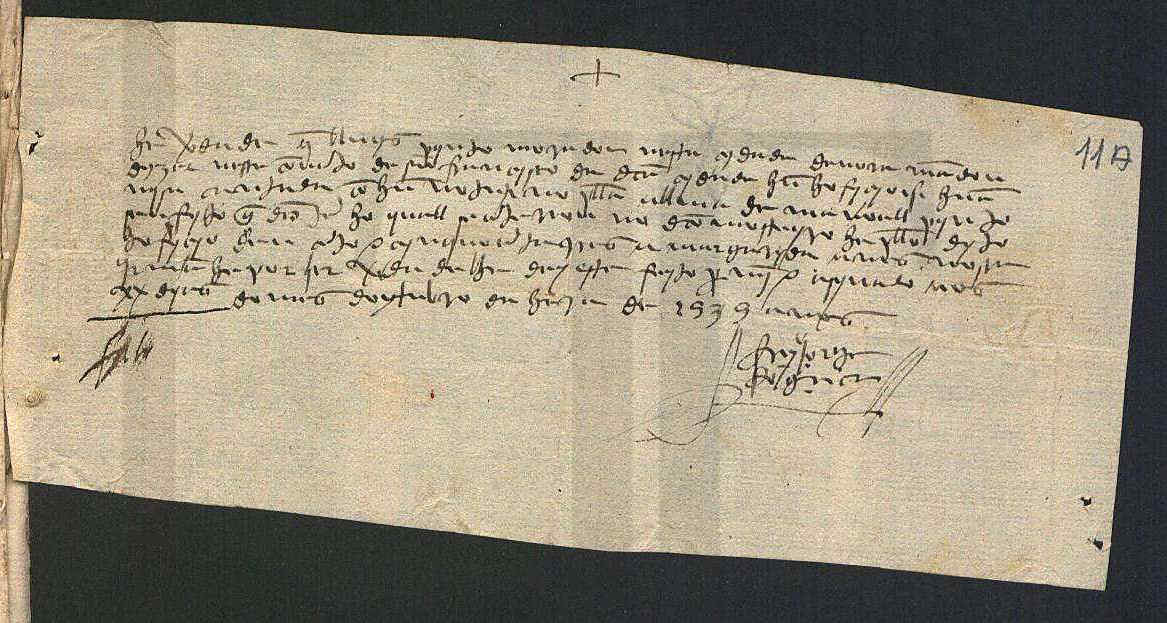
he ꝟdade q̄ lluys pynto morador nesta çydade deuora mādou
dyzer neste c̄oueto de sā fraçjsco da dcā cydade hū hofyçyo .s. huā
mjsa cantada c̄o hū noturno p̄lla allma de manoell pynto
seu fylho q̄ dēs tē ho quall se ēterrou no dc̄o mosteyro he p̄llo dyto
hofyçyo deu çēto e çynquoēta rres a margaryda anes nossa
Jrmā he por ser ꝟdade lhe dey este feyto ꝑ mj̄ e asynado aos
xx dyas do mes doytubro da hera de 1535 anos
frey Jorge
fogaça
